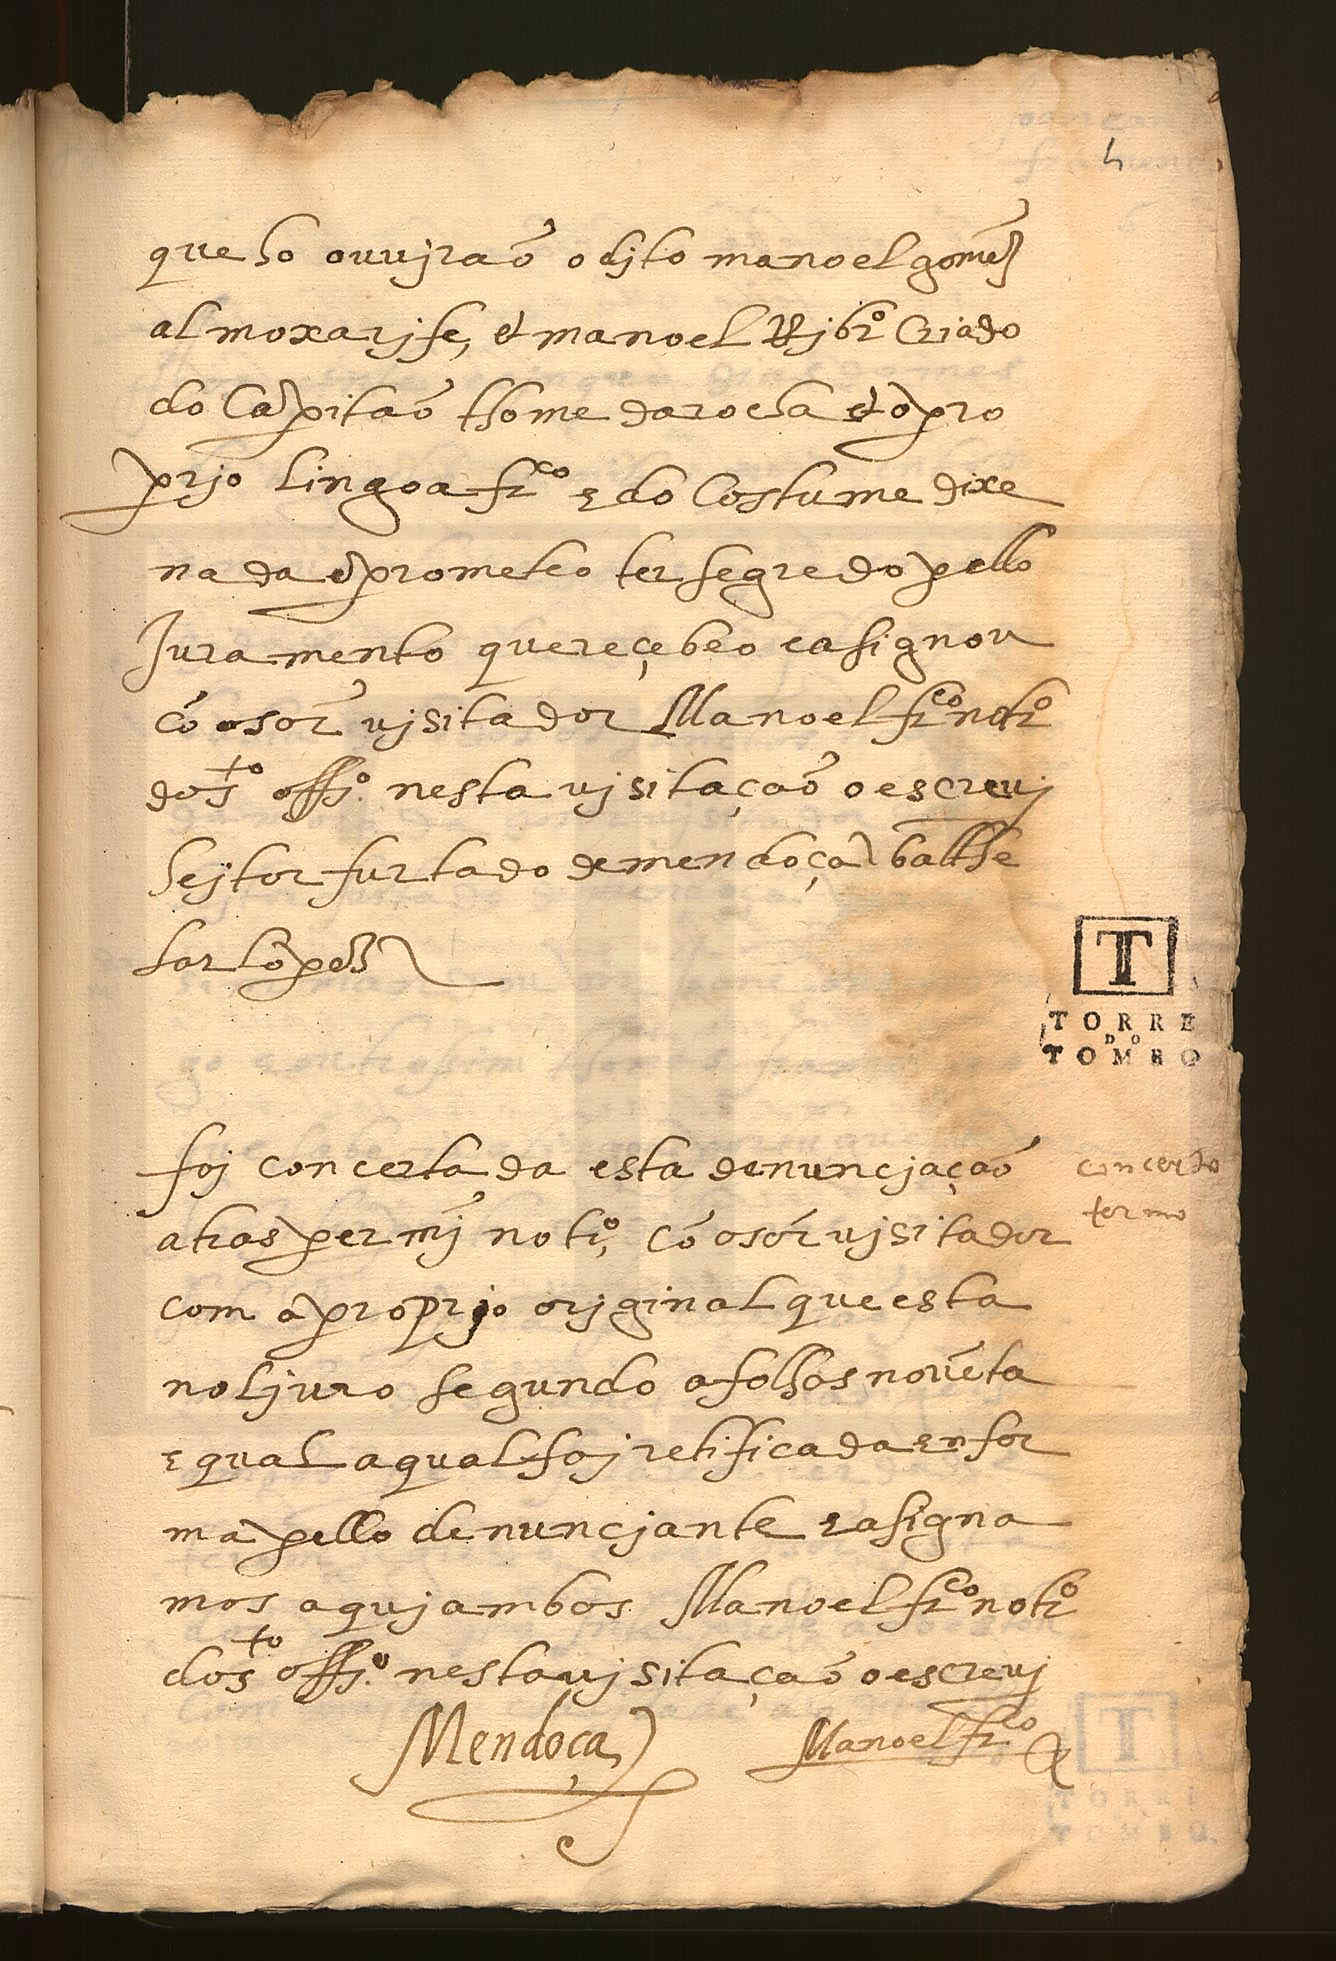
que ho ouujraõ o djto manoel gomēz
almoxarjfe, & manoel Ribro criado
do capitaõ thome da rocha & pro
prjo Lingoa frco E do Costume dixe
nada e prometeo ter segredo pello
Juramento que recebeo e asignou
cō o sor̄ ujsitador Manoel frco notro
do sto offjo. nesta ujsitaçaõ o escreuj
hejtor furtado de mendoça balthe
sar Lopez
concerto
termo
foj concertada esta denuncjaçaõ
atras per mj̄ notro cō o sor̄ ujsitador
com o proprjo orjginal que esta
no ljuro segundo a folhas nouēta
E qual a qual foj retificada en for
ma pello denuncjante E asigna
mos aquj ambos Manoel frco notro
do sto offj.o nesta ujsitaçaõ o escreuj
Mendoça
Manoel frco
